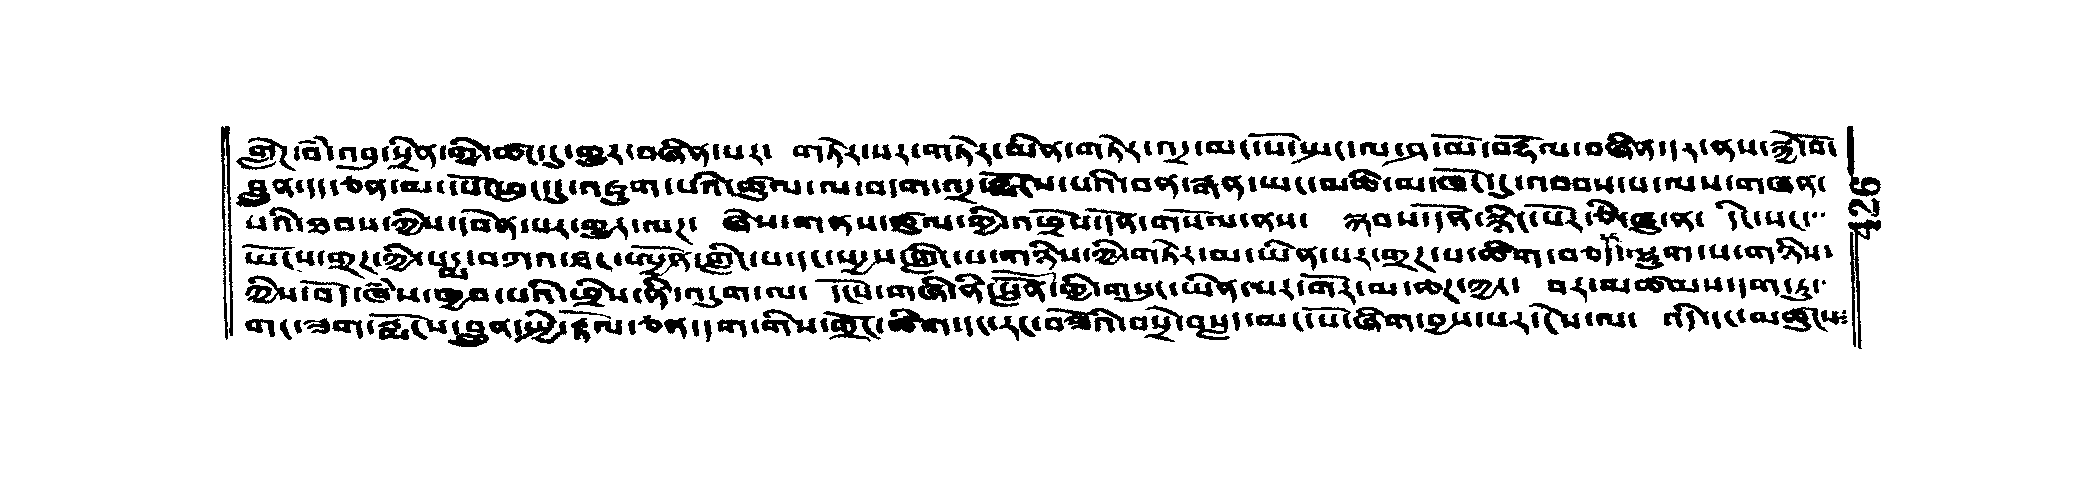གླེགས་བམ་འབུ་སྲིན་གྱི་ཚང་དུ་གྱུར་བཞིན་པར། གཏེར་གསར་གཏེར་མིན་གཏེར་འདྲ་མང་པོ་སྤང་ལ་ཤ་མོ་བརྡོལ་པ་བཞིན་དར་ནས་སྐྱེ་བོ་
བླུན་དད་ཅན་མང་པོ་ཕུང་དུ་འཇུག་པའི་ཚུལ་ལ་བདག་འདྲ་རྨོངས་པའི་བན་རྒན་ཡང་མཆི་མ་ཁོང་དུ་འབབ་པ་ལས་གཞན་
པའི་ཐབས་ཀྱིས་དབེན་པར་གྱུར་ལགས། ཞེས་གནས་ཚུལ་གྱི་འཕྲོས་དོན་གསོལ་ནས། སྐབས་དོན་སྙིང་པོར་ཅི་ཞུ་ན། དེང་སང་
ཡོངས་གྲགས་ཀྱི་པདྨ་བཀའ་ཐང་ཨོ་རྒྱན་གླིང་པ་དང་སངས་རྒྱས་གླིང་པ་གཉིས་ཀྱི་གཏེར་མ་ཡིན་པར་གྲགས་པ་ཚིག་བཅད་ལྷུག་པ་གཉིས་
ཀྱིས་བོད་ཁམས་ཁྱབ་པའི་ཕྲིན་ལས་ནི་འདུག་ལ། དངོས་གཞི་ནི་སློབ་དཔོན་གྱི་གསུང་ཡིན་པར་གོར་མ་ཆགས་ཀྱང་། བར་མཚམས་དག་ཏུ་
གང་ཟག་རྨོངས་བླུན་སྤྱི་རྟོལ་ཅན་དག་གིས་གྲོང་ཚིག་དང་རང་བཟོའི་བསྲེ་བསླད་མང་པོ་ཞིག་བྱས་པར་ངེས་ལ། འདི་དང་མཚུངས་